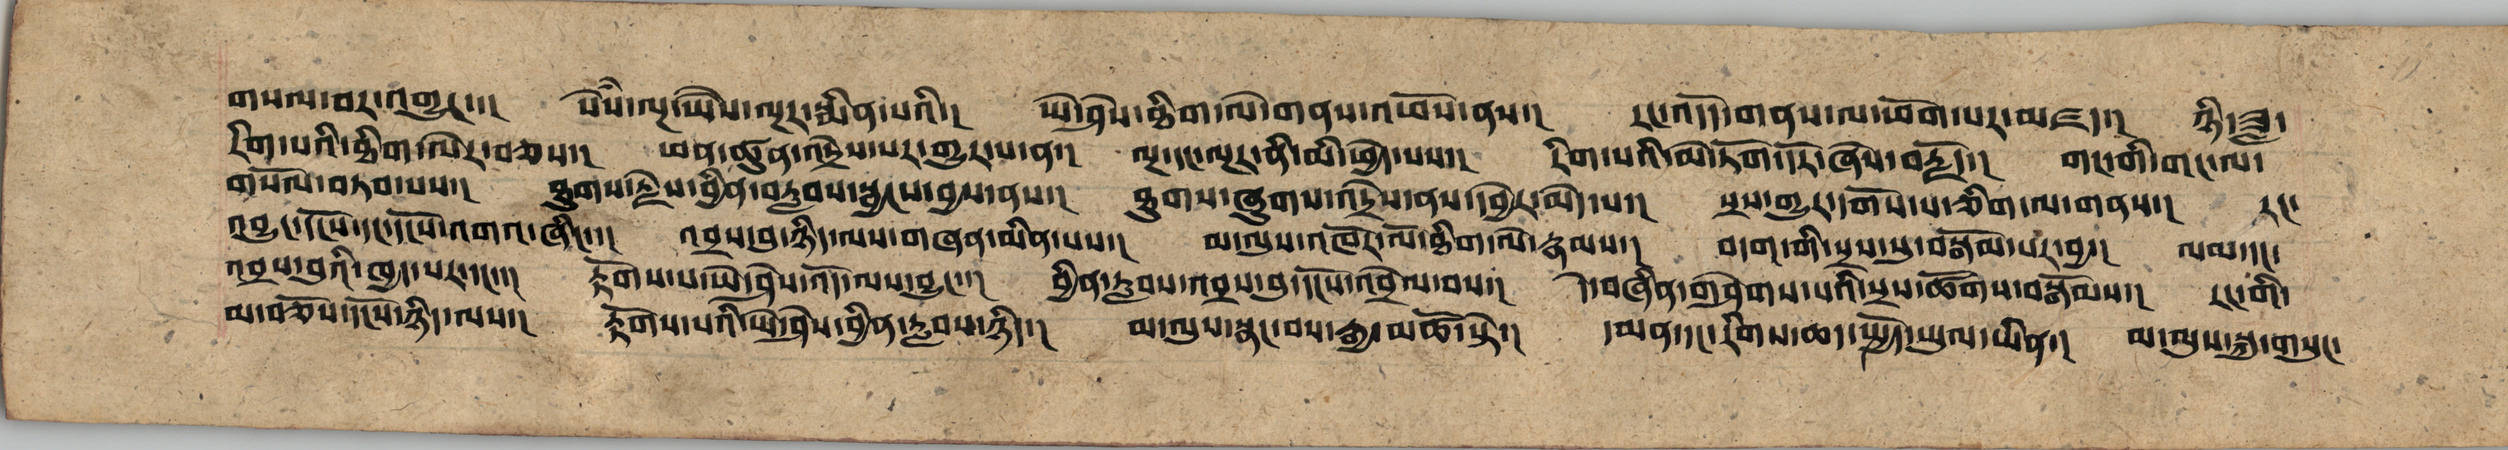གསལ་བར་འགྱུར་། སེཾས་ལྔ་ཡཻས་ལྔར་སྨིན་པའི་། ཡེ་ཤེས་ཐིག་ལེ་གནས་འཕོས་ནས་། རང་འདོད་གནས་ལ་ཕོག་པར་མཛད་། ཉི་ཟླ་
རིག་པའི་ཐིག་ལེར་བཅས་། ཕན་ཚུན་འདྲེས་པར་གྱུར་པ་ན་། ལྔ་དང་ལྔར་ནི་མི་ཕྱེད་པས་། རིག་པའི་མེ་ཏོག་དོར་ཞེས་བརྗོད་། གང་གི་གང་ལ་
གསོལ་བཏབ་པས་། ཐུགས་རྗེས་བྱིན་བརླབས་སྦྱངས་བྱས་ནས་། ཐུགས་ཞུགས་འདྲེས་ནས་དབྱེར་མེད་པ་། སྲས་གྱུར་དགོས་པ་ཅིག་ལ་གནས་། རང་
འབྱུང་དངོས་དང་དངོས་འགའ་ཞིང་་། འབྲས་བུ་ཉིད་ལས་གཞན་མིན་པས་། མ་ལུས་འཁོར་ལོ་ཐིག་ལེ་རྣམས་། བདག་གི་སྲས་སུ་བསྒོམ་པར་བྱ་། ལམ་དང་
འབྲས་བུའི་ཁྱད་པར་དང་་། རྟོགས་པ་ཡེ་ཤེས་འོད་ལས་བྱུང་་། བྱིན་རླབས་འབྲས་བུ་དངོས་འབྲེལ་བས་། དེ་བཞིན་གཤེགས་པའི་སྲས་ཚོགས་བསྒོམས་། རང་གི་
མ་བཅོས་དངོས་ཉིད་ལས་། རྟོགས་པའི་ཡེ་ཤེས་བྱིན་རླབས་ཉིད་། མ་ལུས་སྣང་བས་རྒྱ་མཚོ་སྟེ་། དམན་དང་རིགས་ཆད་སྤྱོད་ཡུལ་ཡིན་། མ་ལུས་སྐུ་གསུང་